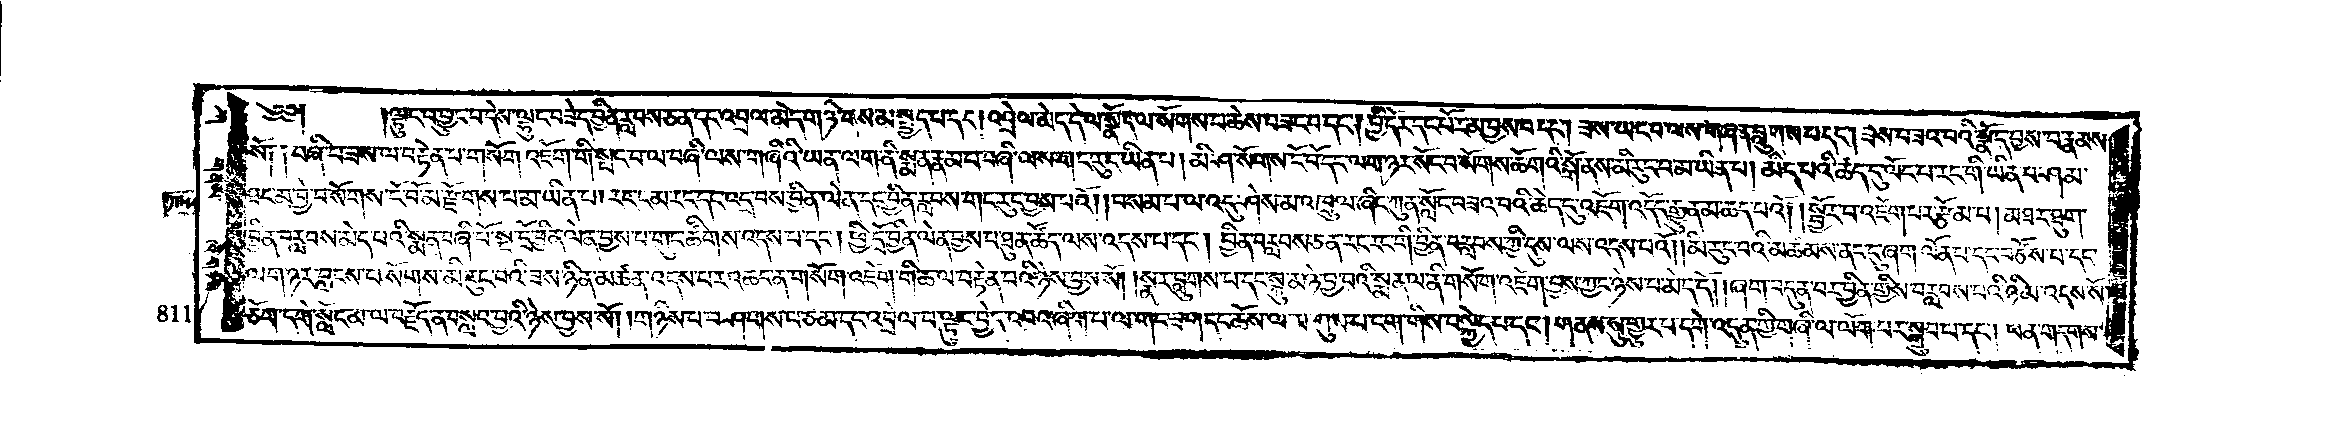༄༅། །ལྟུང་བ་བྱུང་བ་དེས་ལྷུང་བཟེད་བྱིན་རླབས་ཅན་དང་འབྲལ་མེད་གཉི་གས་མ་སྤྱད་པ་དང་། འབྲེལ་མེད་དེ་ལ་སྣོད་ལ་སོགས་པ་ཆེས་བཟང་བ་དང་། བྱི་དོར་དང་པོར་མ་བྱས་པ་དང་། ཟས་ཡང་བ་ལས་གཞན་བླུགས་པ་དང་། ཟས་བཟའ་བའི་སྣོད་བྱས་པ་རྣམས་
སོ༑ ༑བཞི་པ་ཟས་ལ་བརྟེན་པ་གསོག་འཇོག་གི་སྤང་བ་ལ་བཞི་ལས་གཞིའི་ཡན་ལག་ནི་སྨན་རྣམ་པ་བཞི་ལས་གང་རུང་ཡིན་པ། མི་ཤ་སོགས་ངོ་བོ་དང་ལག་ཉར་སོང་བ་སོགས་ཆོ་གའི་སྒོ་ནས་མི་རུང་བ་མ་ཡིན་པ། མིད་པའི་ཚད་དུ་ལོང་པ་རང་གི་ཡིན་པ་ཤམ་
ཐང་མ་བྱེ་བ་སོགས་ངོ་བོ་མ་རྫོགས་པ་མ་ཡིན་པ། རང་ངམ་རང་དང་འདྲ་བས་བྱིན་ལེན་དང་བྱིན་རླབས་གང་རུང་བྱས་པའོ། །བསམ་པ་ལ་འདུ་ཤེས་མ་འཁྲུལ་ཞིང་ཀུན་སློང་བཟའ་བའི་ཆེད་དུ་འཇོག་འདོད་རྒྱུན་མ་ཆད་པའོ། །སྦྱོར་བ་འཇོག་པར་རྩོམ་པ། མཐར་ཐུག་
བྱིན་བརླབས་མེད་པའི་སྨན་བཞི་པོ་སྔ་དྲོ་ཕྱིན་ལེན་བྱས་པ་གུང་ཚིགས་འདས་པ་དང་། ཕྱི་དྲོ་བྱིན་ལེན་བྱས་པ་ཐུན་ཚོད་ལས་འདས་པ་དང་། བྱིན་བརླབས་ཅན་རང་རང་གི་བྱིན་བརླབས་ཀྱི་དུས་ལས་འདས་པའོ། །མི་རུང་བའི་མཚམས་ནང་དུ་ཞག་ལོན་པ་དང་བཙོས་པ་དང་
ལག་ཉར་བླངས་པ་སོགས་མི་རུང་བའི་ཟས་ཉིན་མཚན་འདས་པར་འཆང་ན་གསོག་འཇོག་གི་ཆ་ལ་བརྟེན་པའི་ཉེས་བྱས་སོ། །སྣར་བླུགས་པ་དང་སྐུ་མཉེ་བྱ་བའི་སྨན་ལ་ནི་གསོག་འཇོག་བྱས་ཀྱང་ཉེས་པ་མེད་དོ། །ཞག་བདུན་བར་བྱིན་གྱིས་བརླབས་པའི་ཉི་མ་འདས་སོ་
ཅོག་དགེ་སློང་མ་ལ་བརྗོད་ན་བསླབ་བྱའི་ཉེས་བྱས་སོ། །གཉིས་པ་བཤགས་པ་ཙམ་དང་འབྲེལ་བ་ལྟུང་བྱེད་འབའ་ཞིག་པ་ལ་གང་ཟག་དང་ཆོས་ལ་མ་གུས་པ་ངག་གིས་བསྐྱེད་པ་དང་། གནས་སུ་གྱུར་པ་དགེ་འདུན་གྱི་གཞི་ལ་ལོག་པར་སྒྲུབ་པ་དང་། ཕན་གདགས་